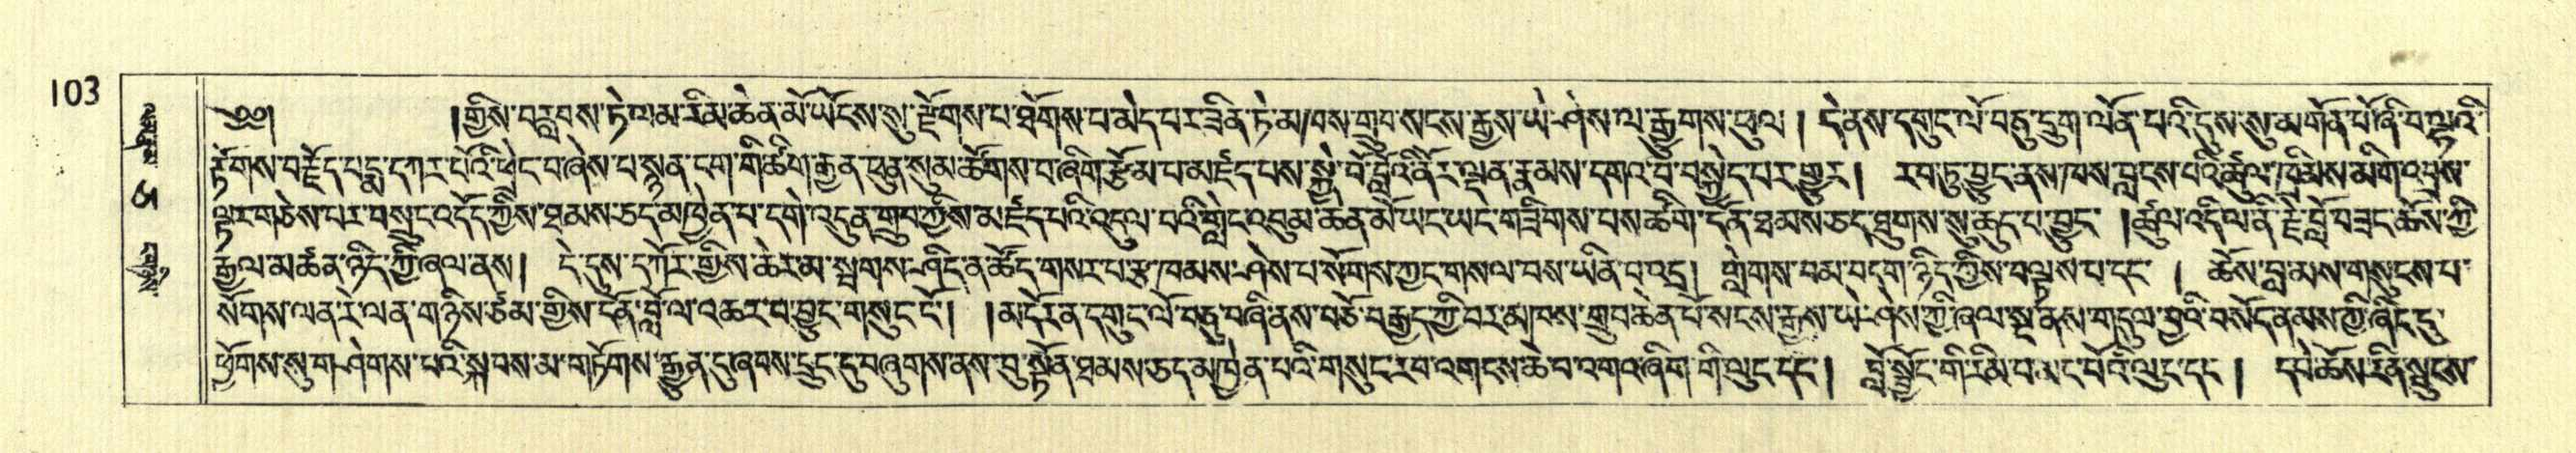༄༅། །གྱིས་བརླབས་ཏེ་ལམ་རིམ་ཆེན་མོ་ཡོངས་སུ་རྫོགས་པ་ཐོགས་པ་མེད་པར་ཟིན་ཏེ་མཁས་གྲུབ་སངས་རྒྱས་ཡེ་ཤེས་ལ་རྒྱུགས་ཕུལ། དེ་ནས་དགུང་ལོ་བཅུ་དྲུག་ལོན་པའི་དུས་སུ་མགོན་པོ་ཞི་བ་ལྷའི་
རྟོགས་བརྗོད་པདམ་དཀར་པོའི་ཕྲེང་བ་ཞེས་པ་སྙན་ངག་གི་ཚིག་རྒྱན་ཕུན་སུམ་ཚོགས་བ་ཞིག་རྩོམ་པ་མཛད་པས་སྐྱེ་བོ་བློའི་ནོར་ལྡན་རྣམས་དགའ་བ་བསྐྱེད་པར་གྱུར། རབ་ཏུ་བྱུང་ནས་ཁས་བླངས་པའི་ཚུལ་ཁྲིམས་མིག་འབྲས་
ལྟར་གཅེས་པར་བསྲུང་འདོད་ཀྱིས་ཐམས་ཅད་མཁྱེན་པ་དགེ་འདུན་གྲུབ་ཀྱིས་མཛད་པའི་འདུལ་བའི་གླེང་འབུམ་ཆེན་མོ་ཡང་ཡང་གཟིགས་པས་ཚིག་དོན་ཐམས་ཅད་ཐུགས་སུ་ཆུད་པ་བྱུང་།ཚུལ་འདི་ལ་ནི་རྗེ་བློ་བཟང་ཆོས་ཀྱི་
རྒྱལ་མཚན་ཉིད་ཀྱི་ཞལ་ནས། དེ་དུས་དཀོར་གྱིས་ཆེར་མ་སྦགས་ཤིང་ན་ཚོད་གསར་པ་རྩ་ཁམས་ཤེས་པ་སོགས་ཀྱང་གསལ་བས་ཡིན་པ་འདྲ། གླེགས་བམ་བདག་ཉིད་ཀྱིས་བལྟས་པ་དང་། །ཆོས་བླ་མས་གསུངས་པ་
སོགས་ལན་རེ་ལན་གཉིས་ཙམ་གྱིས་དོན་བློ་ལ་འཆར་བ་བྱུང་གསུང་ངོ། །མདོར་ན་དགུང་ལོ་བཅུ་བཞི་ནས་བཅོ་བརྒྱད་ཀྱི་བར་མཁས་གྲུབ་ཆེན་པོ་སངས་རྒྱས་ཡེ་ཤེས་ཀྱི་ཞལ་སྔ་ནས་གདུལ་བྱའི་བསོད་ནམས་ཀྱི་ཞིང་དུ་
ཕྱོགས་སུ་གཤེགས་པའི་སྐབས་མ་གཏོགས་རྒྱུན་དུ་ཞབས་དྲུང་དུ་བཞུགས་ནས་བུ་སྟོན་ཐམས་ཅད་མཁྱེན་པའི་གསུང་རབ་འགངས་ཆེ་བ་འགའ་ཞིག་གི་ལུང་དང་། བློ་སྦྱོང་གི་རིམ་པ་མང་པོའི་ལུང་དང་། དཔེ་ཆོས་རིན་སྤུངས་